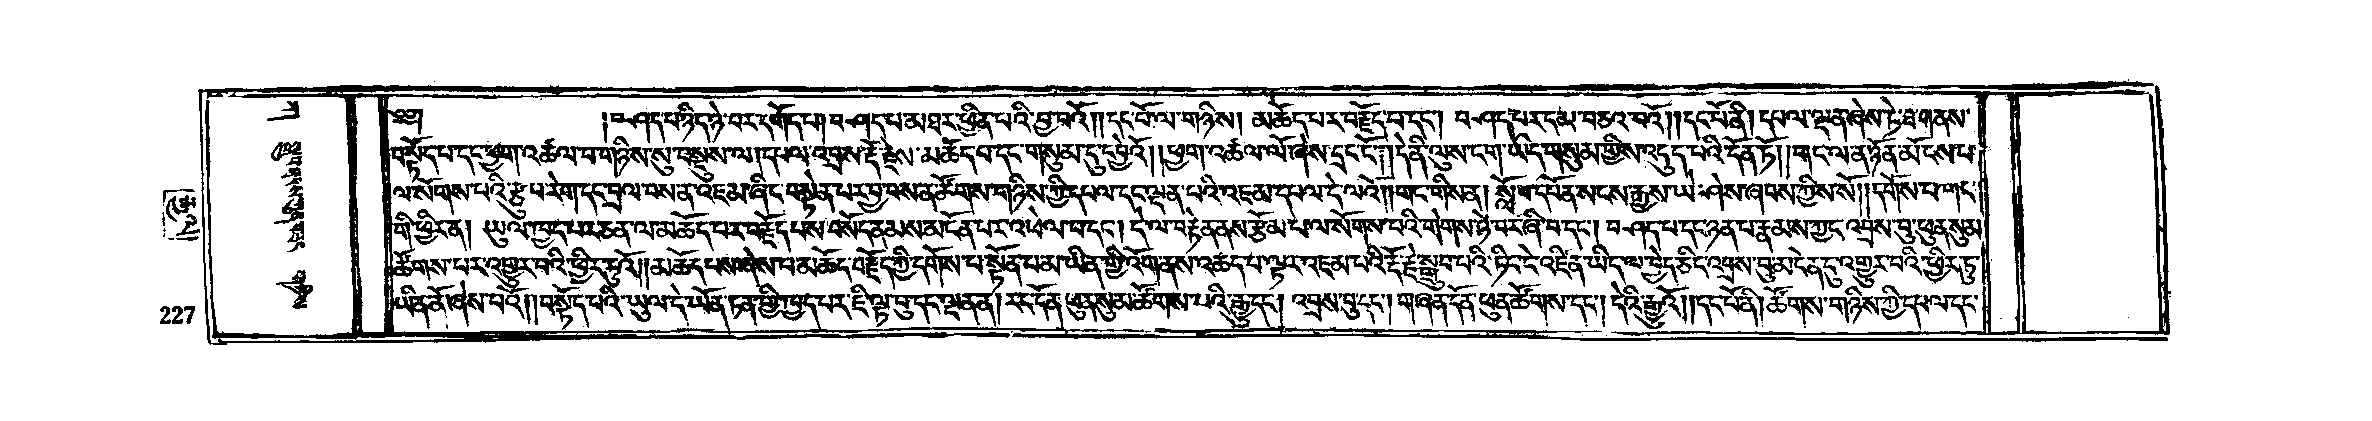༄༅། །བཤད་པ་ཉིད་ཉེ་བར་དགོད་པ། བཤད་པ་མཐར་ཕྱིན་པའི་བྱ་བའོ། །དང་པོ་ལ་གཉིས། མཆོད་པར་བརྗོད་པ་དང་། བཤད་པར་དམ་བཅའ་བའོ། །དང་པོ་ནི། དཔལ་ལྡན་ཞེས་ཏེ་ཐ་གནས་
བསྟོད་པ་དང་ཕྱག་འཚལ་བ་གཉིས་སུ་བསྡུས་ལ། དཔལ་འབྲས་རྡོ་རྗེས་མཆོད་པ་དང་གསུམ་དུ་དབྱེའོ། །ཕྱག་འཚལ་ལོ་ཞེས་དྲང་ངོ། །དེ་ནི་ལུས་ངག་ཡིད་གསུམ་གྱིས་འདུད་པའི་དོན་ཏོ། །གང་ལ་ན་ཉོན་མོངས་པ་
ལ་སོགས་པའི་རྩུ་བ་རེག་དང་བྲལ་བས་ན་འཇམ་ཞིང་བསྟེན་པར་བྱ་བས་ན་ཚོགས་གཉིས་ཀྱི་དཔལ་དང་ལྡན་པའི་འཇམ་དཔལ་དེ་ལའོ། །གང་གིས་ན། སློབ་དཔོན་སངས་རྒྱས་ཡེ་ཤེས་ཞབས་ཀྱིས་སོ། །དགོས་པ་གང་
གི་ཕྱིར་ན། ཡུལ་ཁྱད་པར་ཅན་ལ་མཆོད་པར་བརྗོད་པས་བསོད་ནམས་མངོན་པར་འཕེལ་བ་དང་། དེ་ལ་བརྟེན་ནས་རྩོམ་པ་ལ་སོགས་པའི་གེགས་ཉེ་བར་ཞི་བ་དང་། བཤད་པ་དང་ཉན་པ་རྣམས་ཀྱང་འབྲས་བུ་ཕུན་སུམ་
ཚོགས་པར་འགྱུར་བའི་ཕྱིར་ཏུའོ། །མཆོད་པས་ཞེས་པ་མཆོད་བརྗོད་ཀྱི་དགོས་པ་སྟོན་པ་མ་ཡིན་གྱི་འོག་ནས་འཆད་པ་ལྟར་འཇམ་པའི་རྡོ་རྗེ་སྒྲུབ་པའི་ཏིང་ངེ་འཛིན་ཡིད་ལ་བྱེད་ཅིང་འབྲས་བུ་མངོན་དུ་འགྱུར་བའི་ཕྱིར་ཏུ་
ཡིན་ནོ་ཞེས་པའོ། །བསྟོད་པའི་ཡུལ་དེ་ཡོན་ཏན་གྱི་ཁྱད་པར་ཇི་ལྟ་བུ་དང་ལྡན་ན། རང་དོན་ཕུན་སུམ་ཚོགས་པའི་རྒྱུ་དང་། འབྲས་བུ་དང་། གཞན་དོན་ཕུན་ཚོགས་དང་། དེའི་རྒྱུའོ། །དང་པོ་ནི། ཚོགས་གཉིས་ཀྱི་དཔལ་དང་